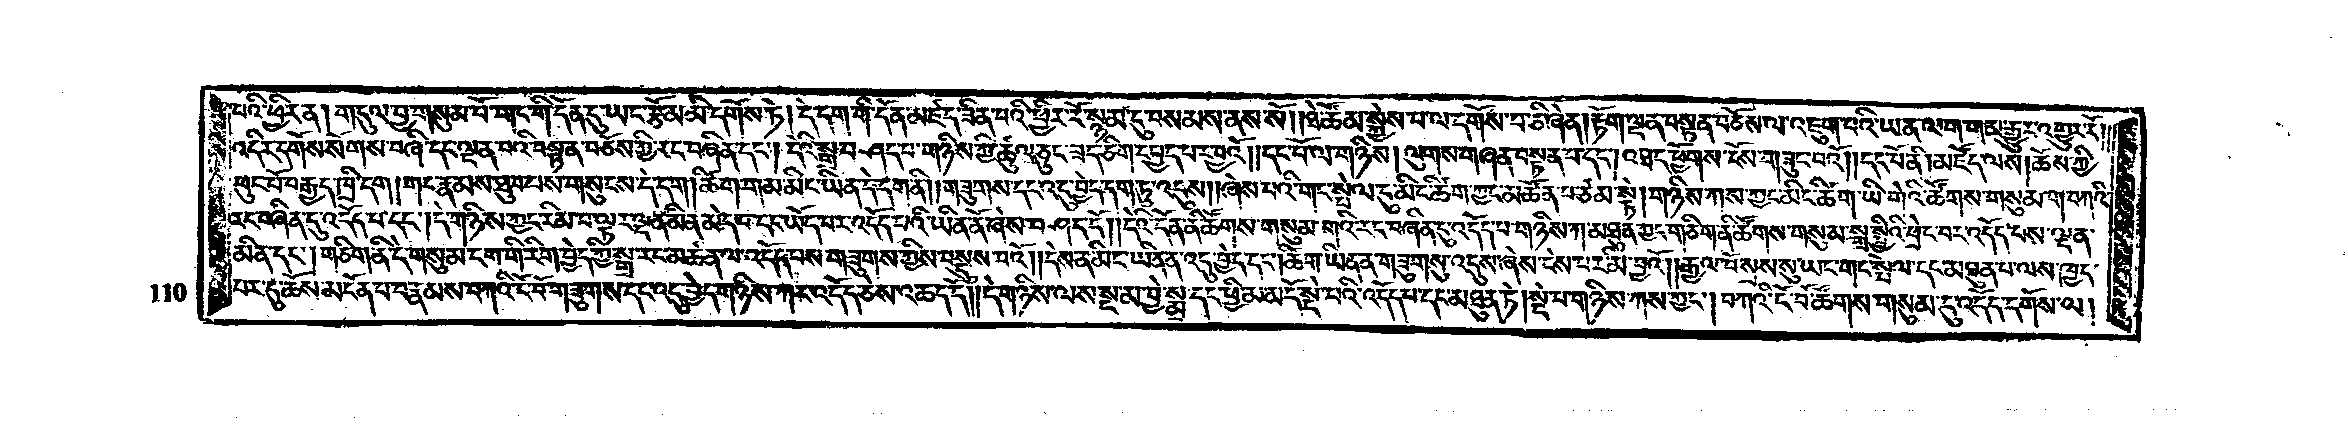པའི་ཕྱིར་ན། གདུལ་བྱ་གསུམ་པོ་གང་གི་དོན་དུ་ཡང་རྩོམ་མི་དགོས་ཏེ། དེ་དག་གི་དོན་མཛད་ཟིན་པའི་ཕྱིར་རོ་སྙམ་དུ་བསམས་ནས་སོ། །ཐེ་ཚོམ་སྐྱེས་པ་ལ་དགོས་པ་ཅི་ཞེ་ན། རྟོག་ལྡན་བསྟན་བཅོས་ལ་འཇུག་པའི་ཡན་ལག་གམ་རྒྱུར་འགྱུར་རོ། །
འདིར་དགོས་སོགས་བཞི་དང་ལྡན་པའི་བསྟན་བཅོས་ཀྱི་རང་བཞིན་དང་། དེའི་སྒྲ་བཤད་པ་གཉིས་ཀྱི་ཚུལ་ཅུང་ཟད་ཅིག་དཔྱད་པར་བྱའོ། །དང་པོ་ལ་གཉིས། ལུགས་གཞན་བསྟན་པ་དང་། འཐད་ཕྱོགས་ངོས་གཟུང་བའོ། །དང་པོ་ནི། མཛོད་ལས། ཆོས་ཀྱི་
ཕུང་པོ་བརྒྱད་ཁྲི་དག །གང་རྣམས་ཐུབ་པས་གསུངས་དེ་ངག །ཚིག་གམ་མིང་ཡིན་དེ་དག་ནི། །གཟུགས་དང་འདུ་བྱེད་དག་ཏུ་འདུས། །ཞེས་པའི་གང་སྤེལ་དུ་མིང་ཚིག་ཀྱང་མཚོན་པ་ཙམ་སྟེ། གཉིས་ཀས་ཀྱང་མིང་ཚིག་ཡི་གེའི་ཚོགས་གསུམ་ག་བཀའི་
རང་བཞིན་དུ་འདོད་པ་དང་། དེ་གཉིས་ཀྱང་རིམ་པ་ལྟར་ལྡན་མིན་མེད་པ་དང་ཡོད་པར་འདོད་པའི་ཡིན་ནོ་ཞེས་བཤད་དོ། །དེའི་དོན་ནི་ཚོགས་གསུམ་གའི་རང་བཞིན་དུ་འདོད་པ་གཉིས་ཀ་མཐུན་ཀྱང་གཅིག་ནི་ཚོགས་གསུམ་སྒྲ་སྤྱིའི་ཕྲེང་བར་འདོད་པས་ལྡན་
མིན་དང་། གཅིག་ནི་དེ་གསུམ་ངག་གི་རིག་བྱེད་ཀྱི་སྒྲ་རང་མཚན་ལ་འདོད་པས་གཟུགས་ཀྱིས་བསྡུས་པའོ། །དེས་ན་མིང་ཡིན་ན་འདུ་བྱེད་དང་། ཚིག་ཡིན་ན་གཟུགས་སུ་འདུས་ཞེས་ངེས་པར་མི་བྱའོ། །རྒྱལ་པོ་སྲས་སུ་ཡང་གང་སྤེལ་དང་མཐུན་པ་ལས་ཁྱད་
པར་དུ་ཆོས་མངོན་པ་བ་རྣམས་བཀའི་ངོ་བོ་གཟུགས་དང་འདུ་བྱེད་གཉིས་ཀར་འདོད་ཅེས་འཆད་དོ། །དེ་གཉིས་ལས་སྔ་མ་བྱེ་སྨྲ་དང་ཕྱི་མ་མདོ་སྡེ་པའི་འདོད་པ་དང་མཐུན་ཏེ། སྡེ་པ་གཉིས་ཀས་ཀྱང་། བཀའི་ངོ་བོ་ཚོགས་གསུམ་དུ་འདོད་དགོས་ལ།